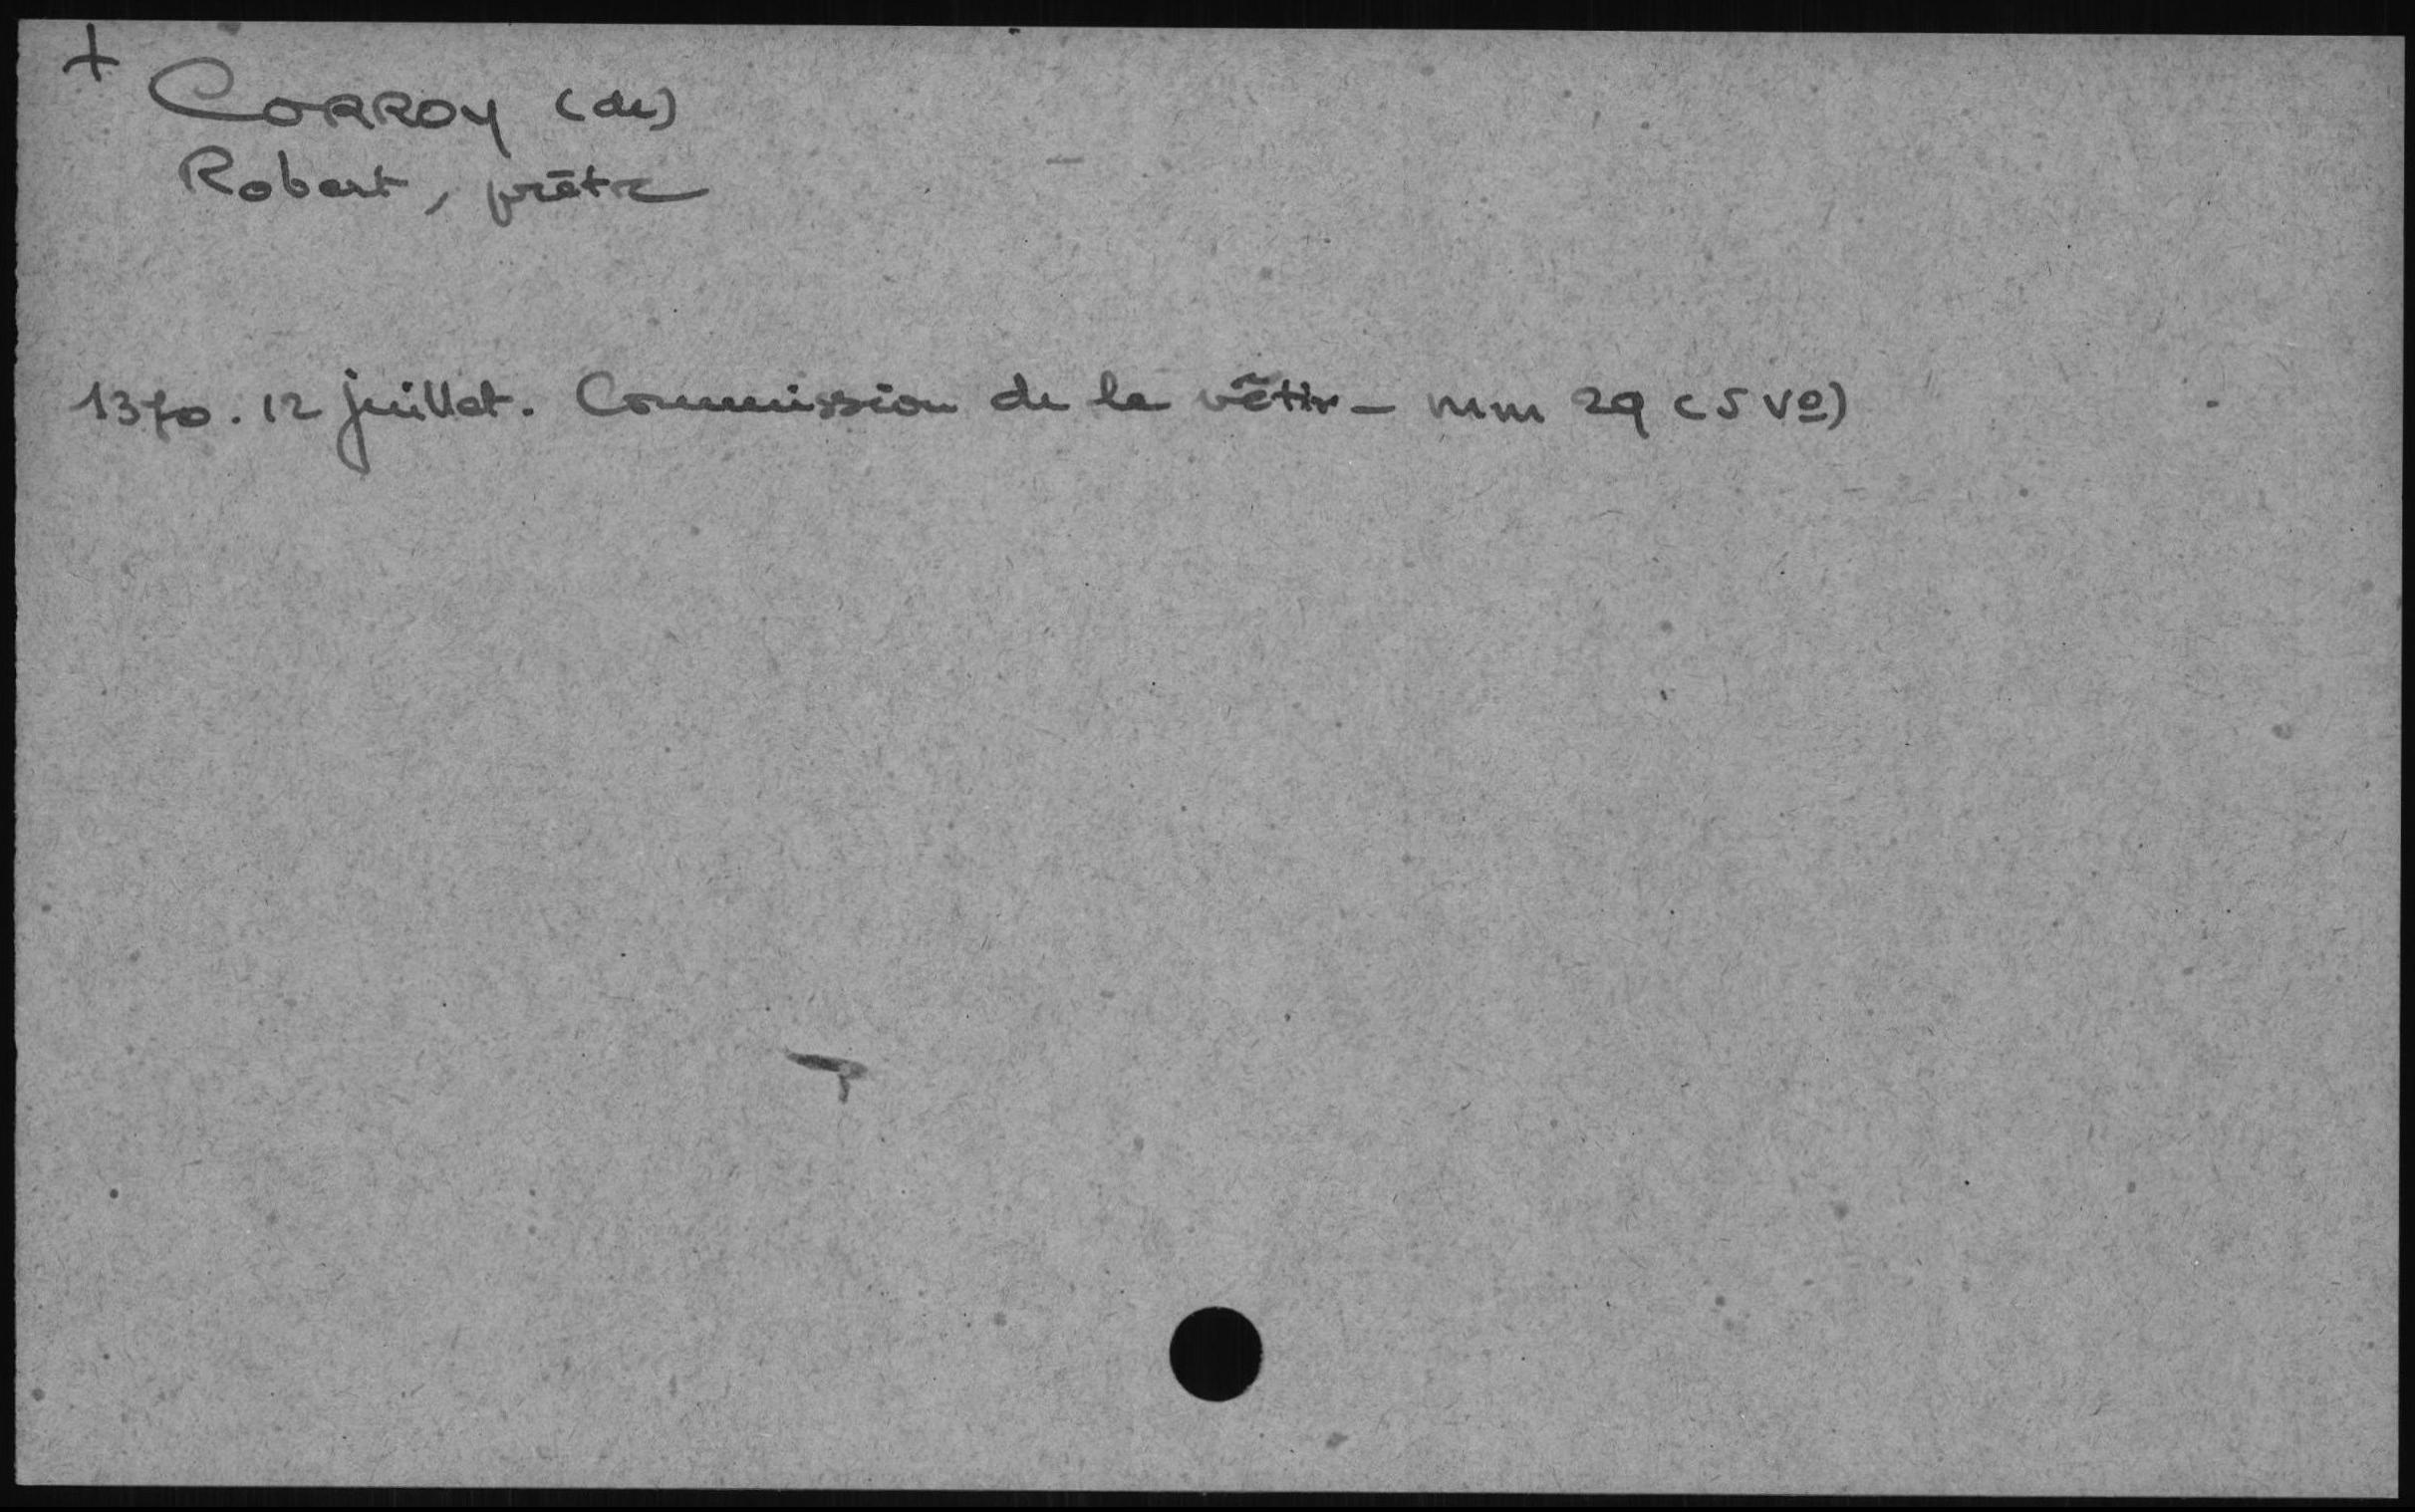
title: + CORROY (de), Robert, prêtre
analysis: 1370, 12 juillet. Commission de le vêtir. MM 29 (5v)
